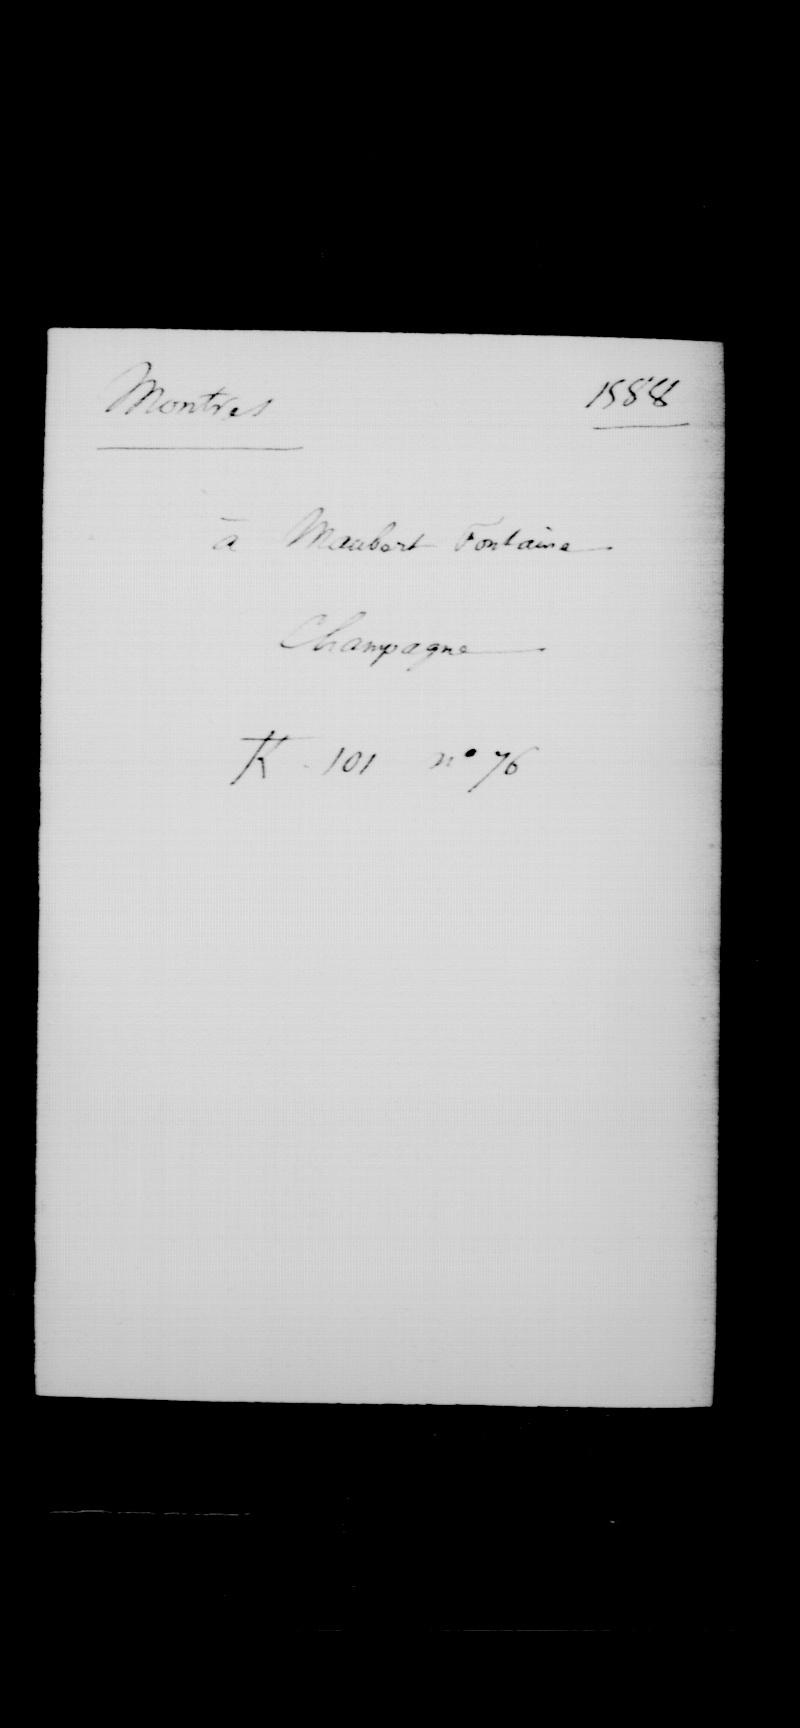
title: Montres
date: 1588
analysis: à Maubert Fontaine Champagne
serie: K
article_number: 101
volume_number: n° 76
